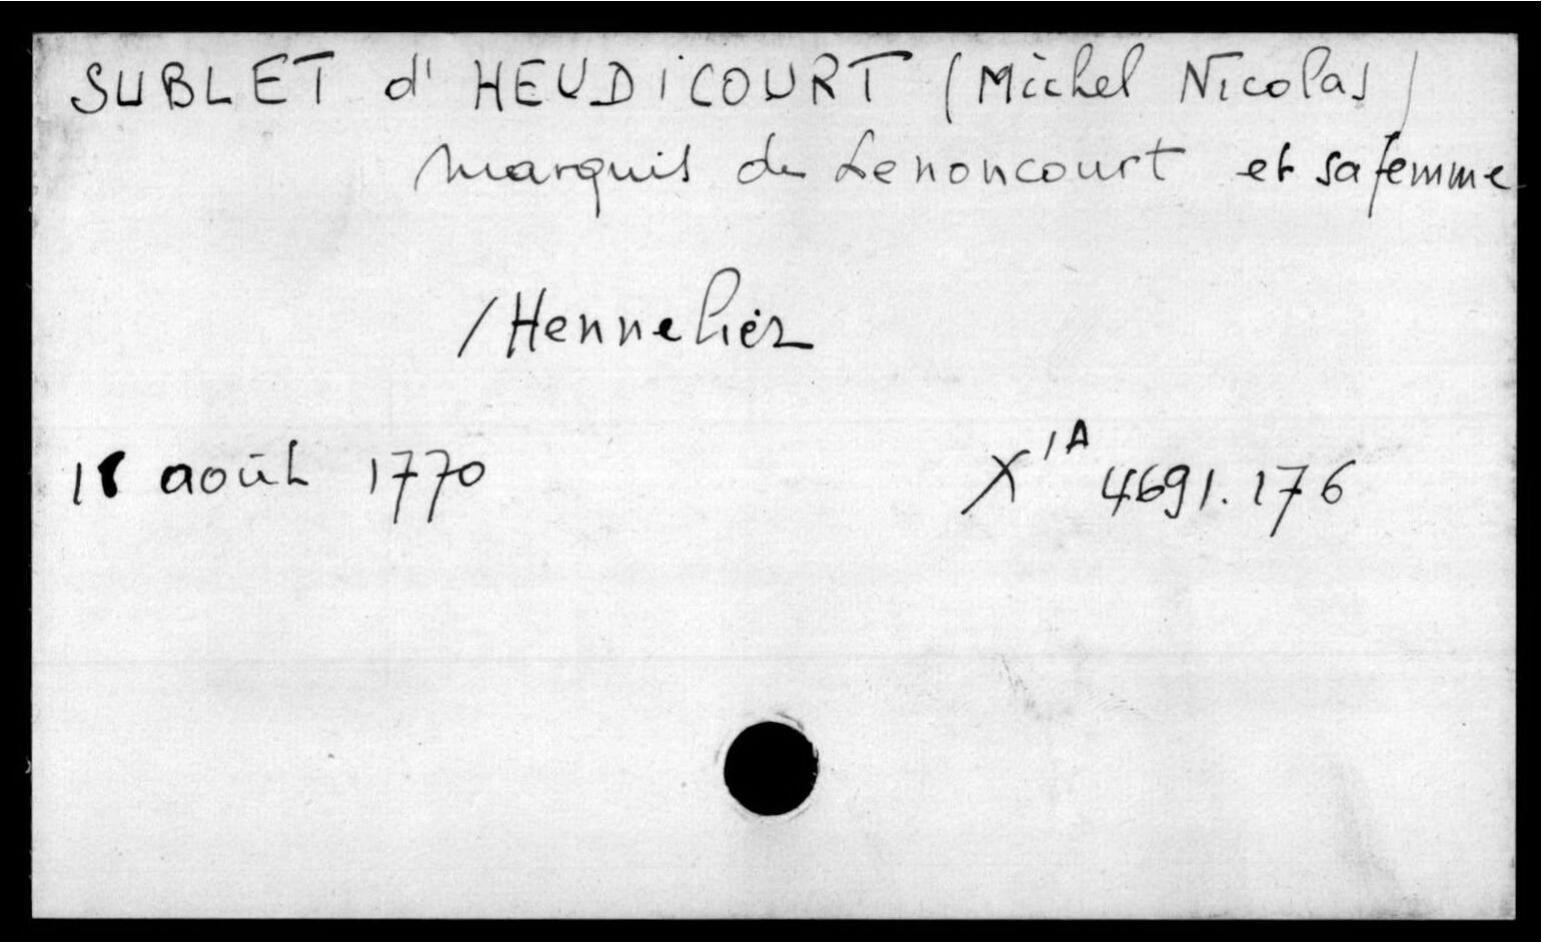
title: SUBLET d'HEUDICOURT (Michel Nicolas) marquis de Lenoncourt et sa femme
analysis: Contre Hennelier
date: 18 août 1770
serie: X1A
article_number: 4691
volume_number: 176
